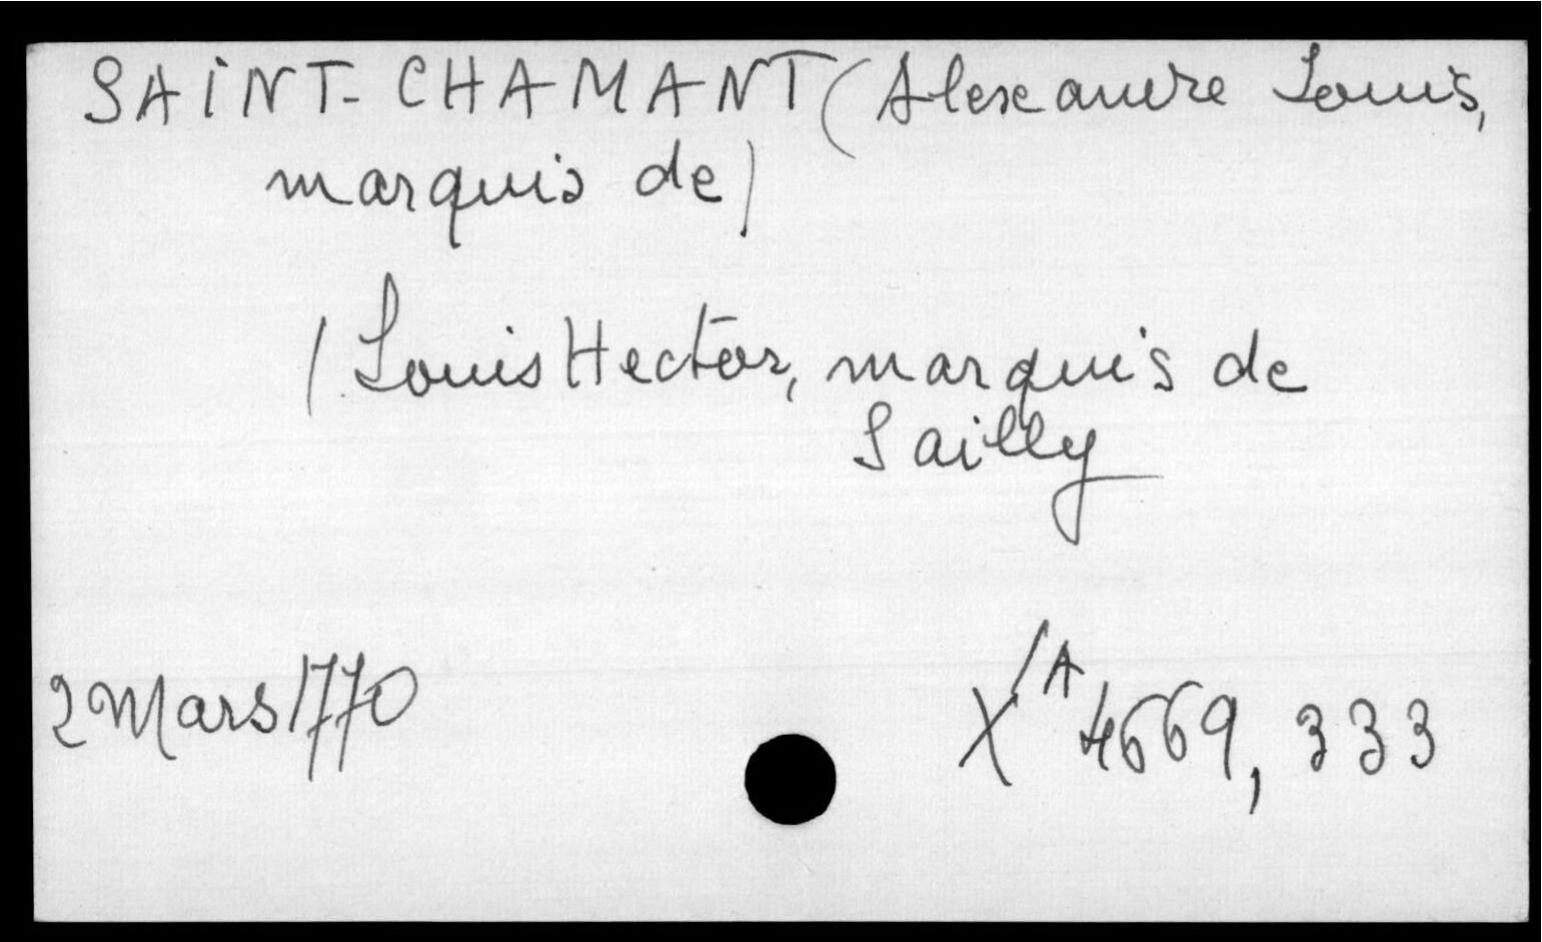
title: SAINT-CHAMANT (Alexandre Louis, marquis de)
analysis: Contre Louis Hector, marquis de Sailly
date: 2 mars 1770
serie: X1A
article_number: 4669
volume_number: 333
